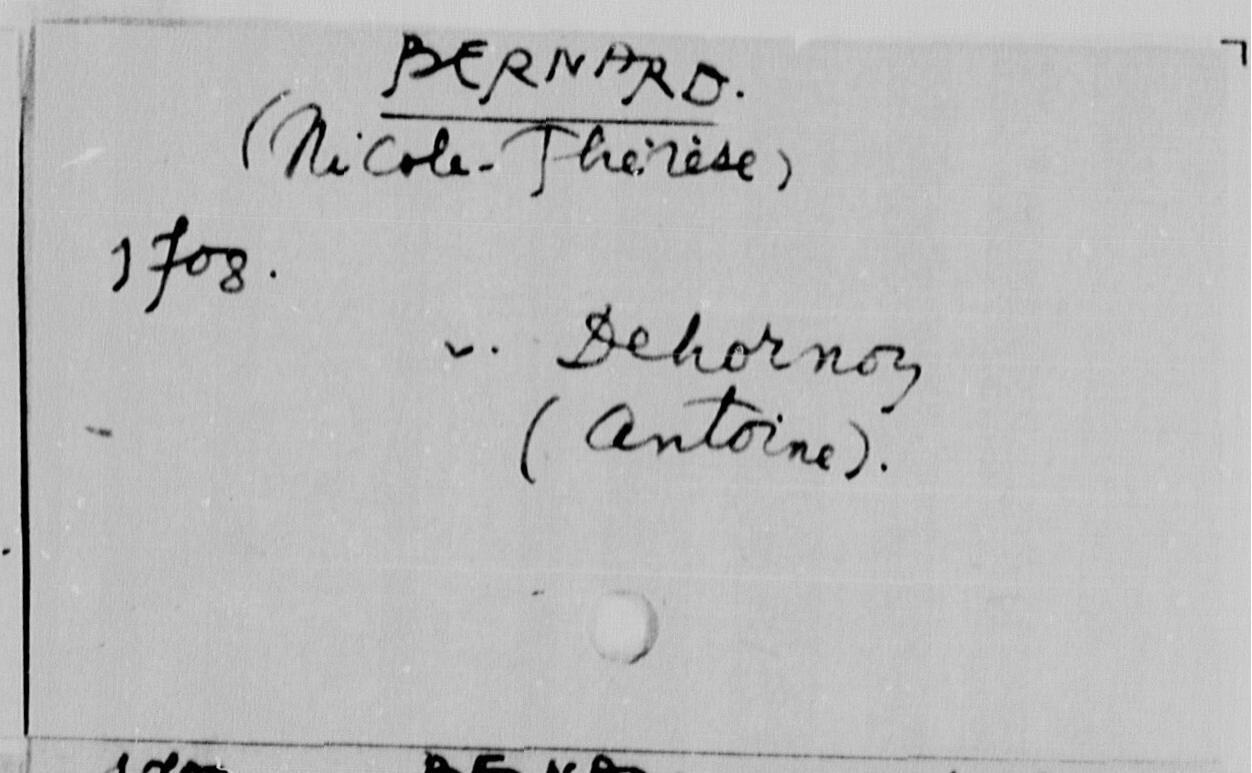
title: BERNARD (Nicole-Thérèse)
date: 1708
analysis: Voir DEHORNOY (Antoine)
